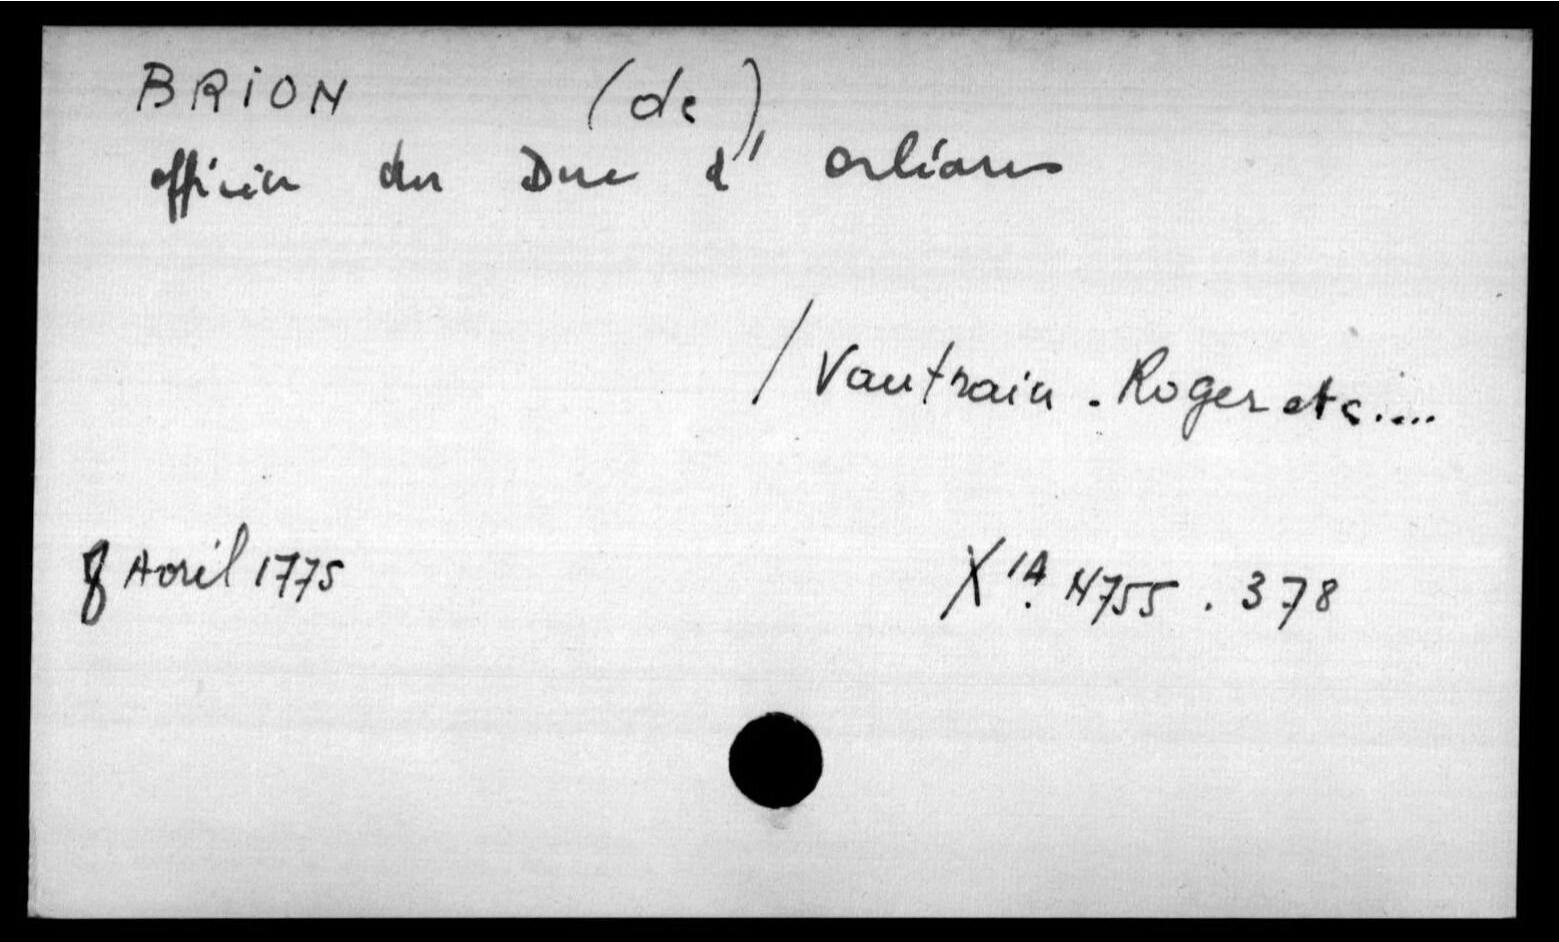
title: BRION (de) officier du duc d'Orléans
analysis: Contre Vaufrain-Roger etc
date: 8 avril 1775
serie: X1A
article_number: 4755
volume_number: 378
